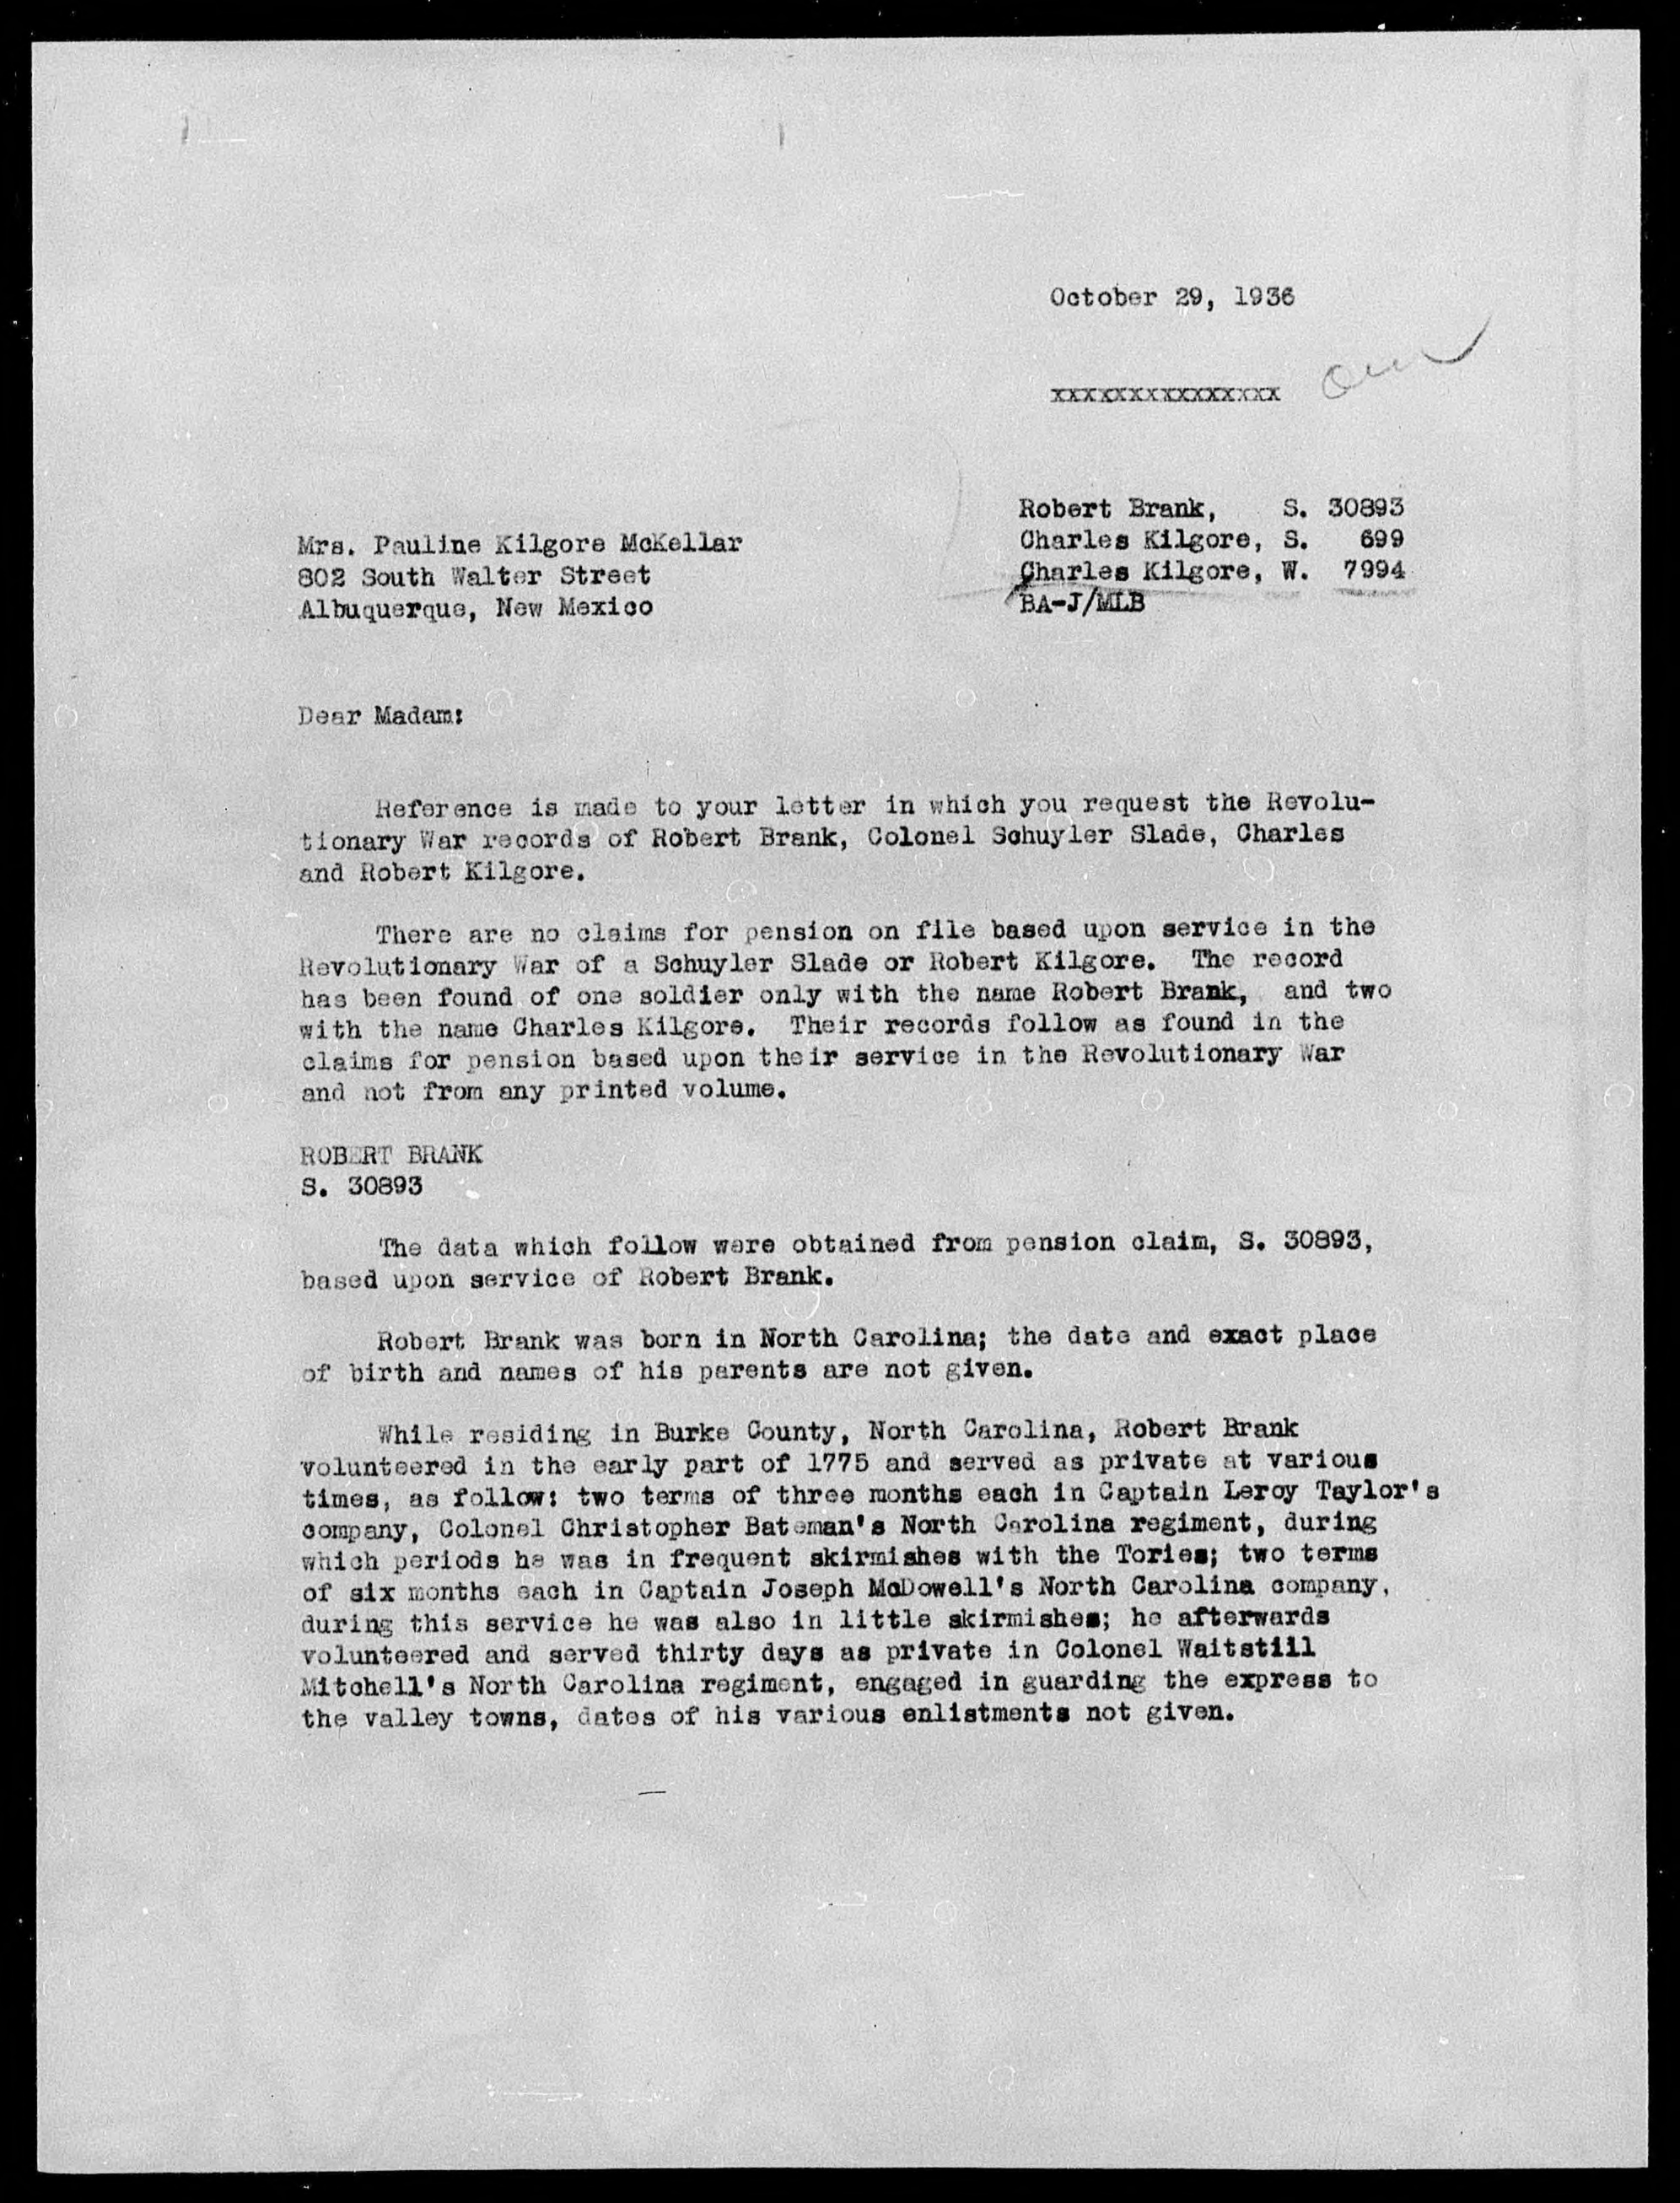October 29, 1936

Robert Brank, S. 30893
Charles Kilgore, S. 699
Charles Kilgore, W. 7994
BA-J/MLB

Mrs. Pauline Kilgore McKellar
802 South Walter Street
Albuquerque, New Mexico

Dear Madam:
Reference is made to your letter in which you request the Revolutionary War records of Robert Brank, Colonel Schuyler Slade, Charles and Robert Kilgore.
There are no claims for pension on file based upon service in the Revolutionary War of a Schuyler Slade or Robert Kilgore. The record has been found of one soldier only with the name Robert Brank, and two
with the name Charles Kilgore. Their records follow as found in the claims for pension based upon their service in the Revolutionary War and not from any printed volume.

ROBERT BRANK
S. 30893
The data which follow were obtained from pension claim, S. 30893, based upon service of Robert Brank.
Robert Brank was born in North Carolina; the date and exact place of birth and names of his parents are not given.
While residing in Burke County, North Carolina, Robert Brank volunteered in the early part of 1775 and served as private at various times, as follow: two terms of three months each in Captain Leroy Taylor's company, Colonel Christopher Bateman's North Carolina regiment, during which periods he was in frequent skirmishes with the Tories; two terms of six months each in Captain Joseph McDowell's North Carolina company, during this service he was also in little skirmishes; he afterwards volunteered and served thirty days as private in Colonel Waitstill Mitchell's North Carolina regiment, engaged in guarding the express to the valley towns, dates of his various enlistments not given.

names: Charles Kilgore; Robert Kilgore; Schuyler Slade; Robert Brank; Pauline Kilgore Mc Kellar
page: 96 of 115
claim: survivor's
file: S. 699, for Charles Kilgore, Virginia